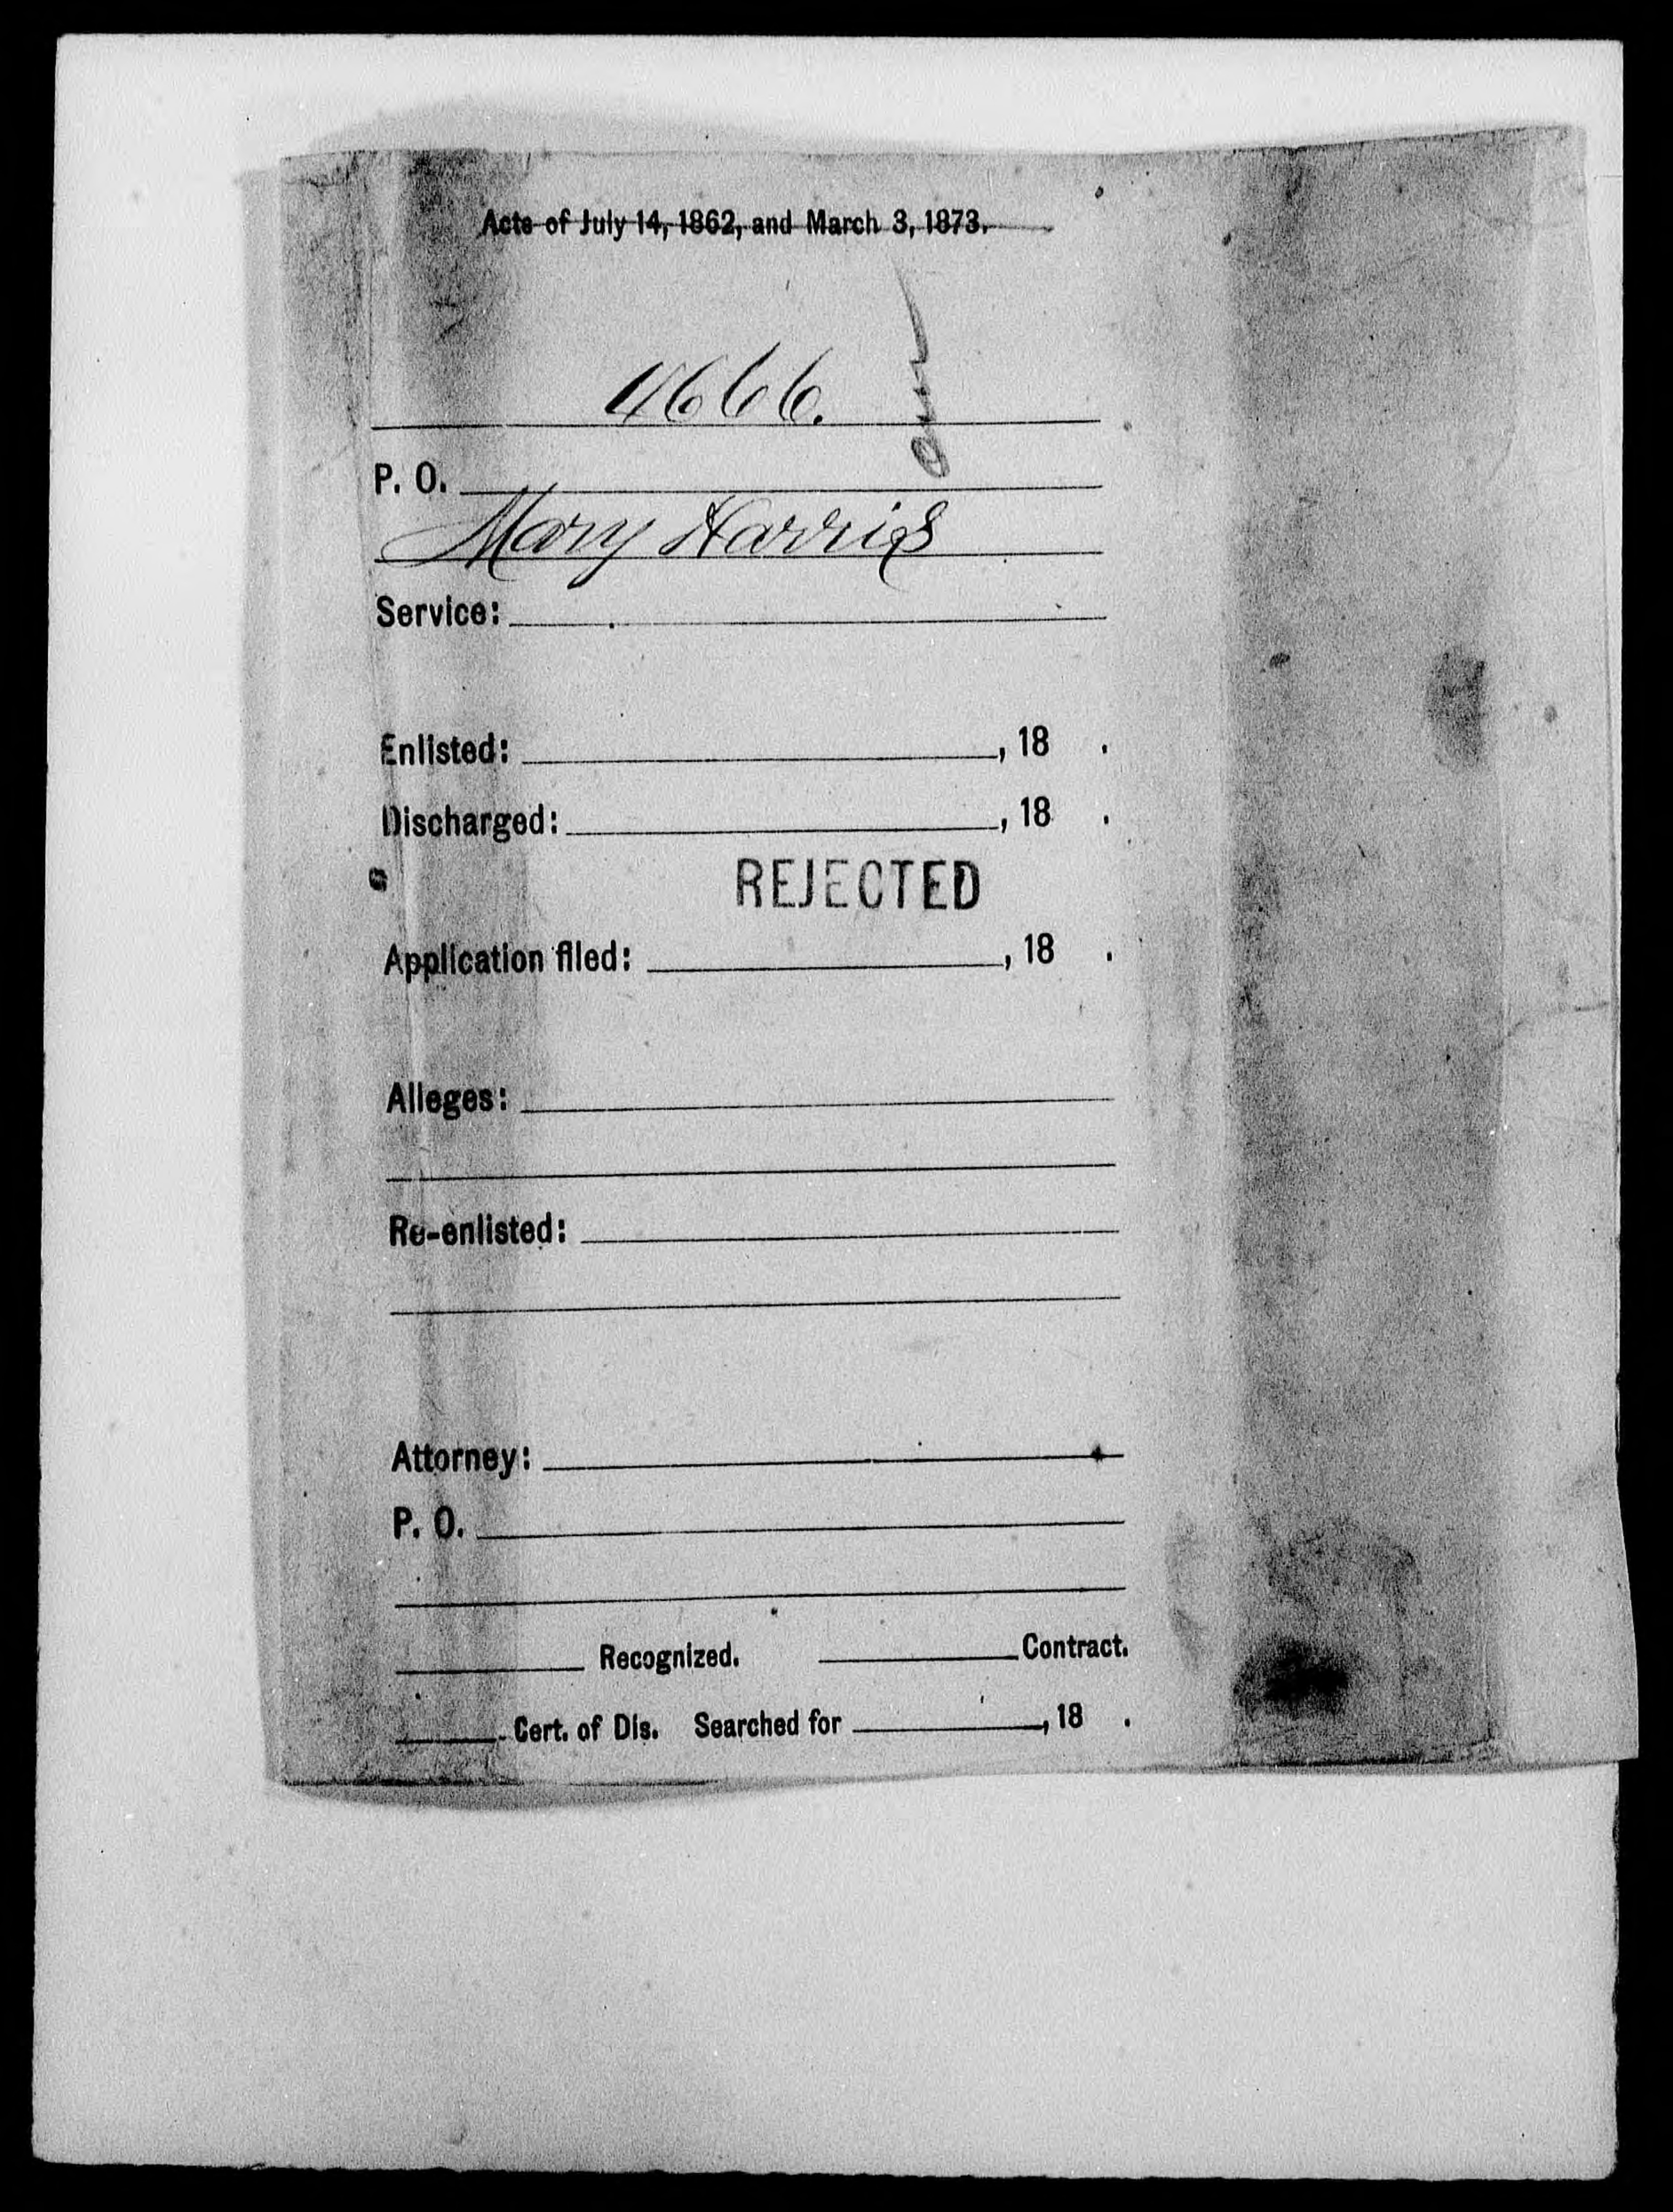[marked through:  Acts of July 14, 1862, and March 3, 1873]

4666

P.O.
Mary Harris
Service:

Enlisted: ________________, 18
Discharged: _____________, 18
  [stamped: REJECTED]
Application filed: _________, 18

Alleges: 

Re-enlisted:

Attorney:
P.O.

Recognized.    Contract.
Cert. of Dis.   Searched for _____ 18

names: Mary Harris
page: 95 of 160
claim: rejected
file: R. 4666, James Harris, Va.